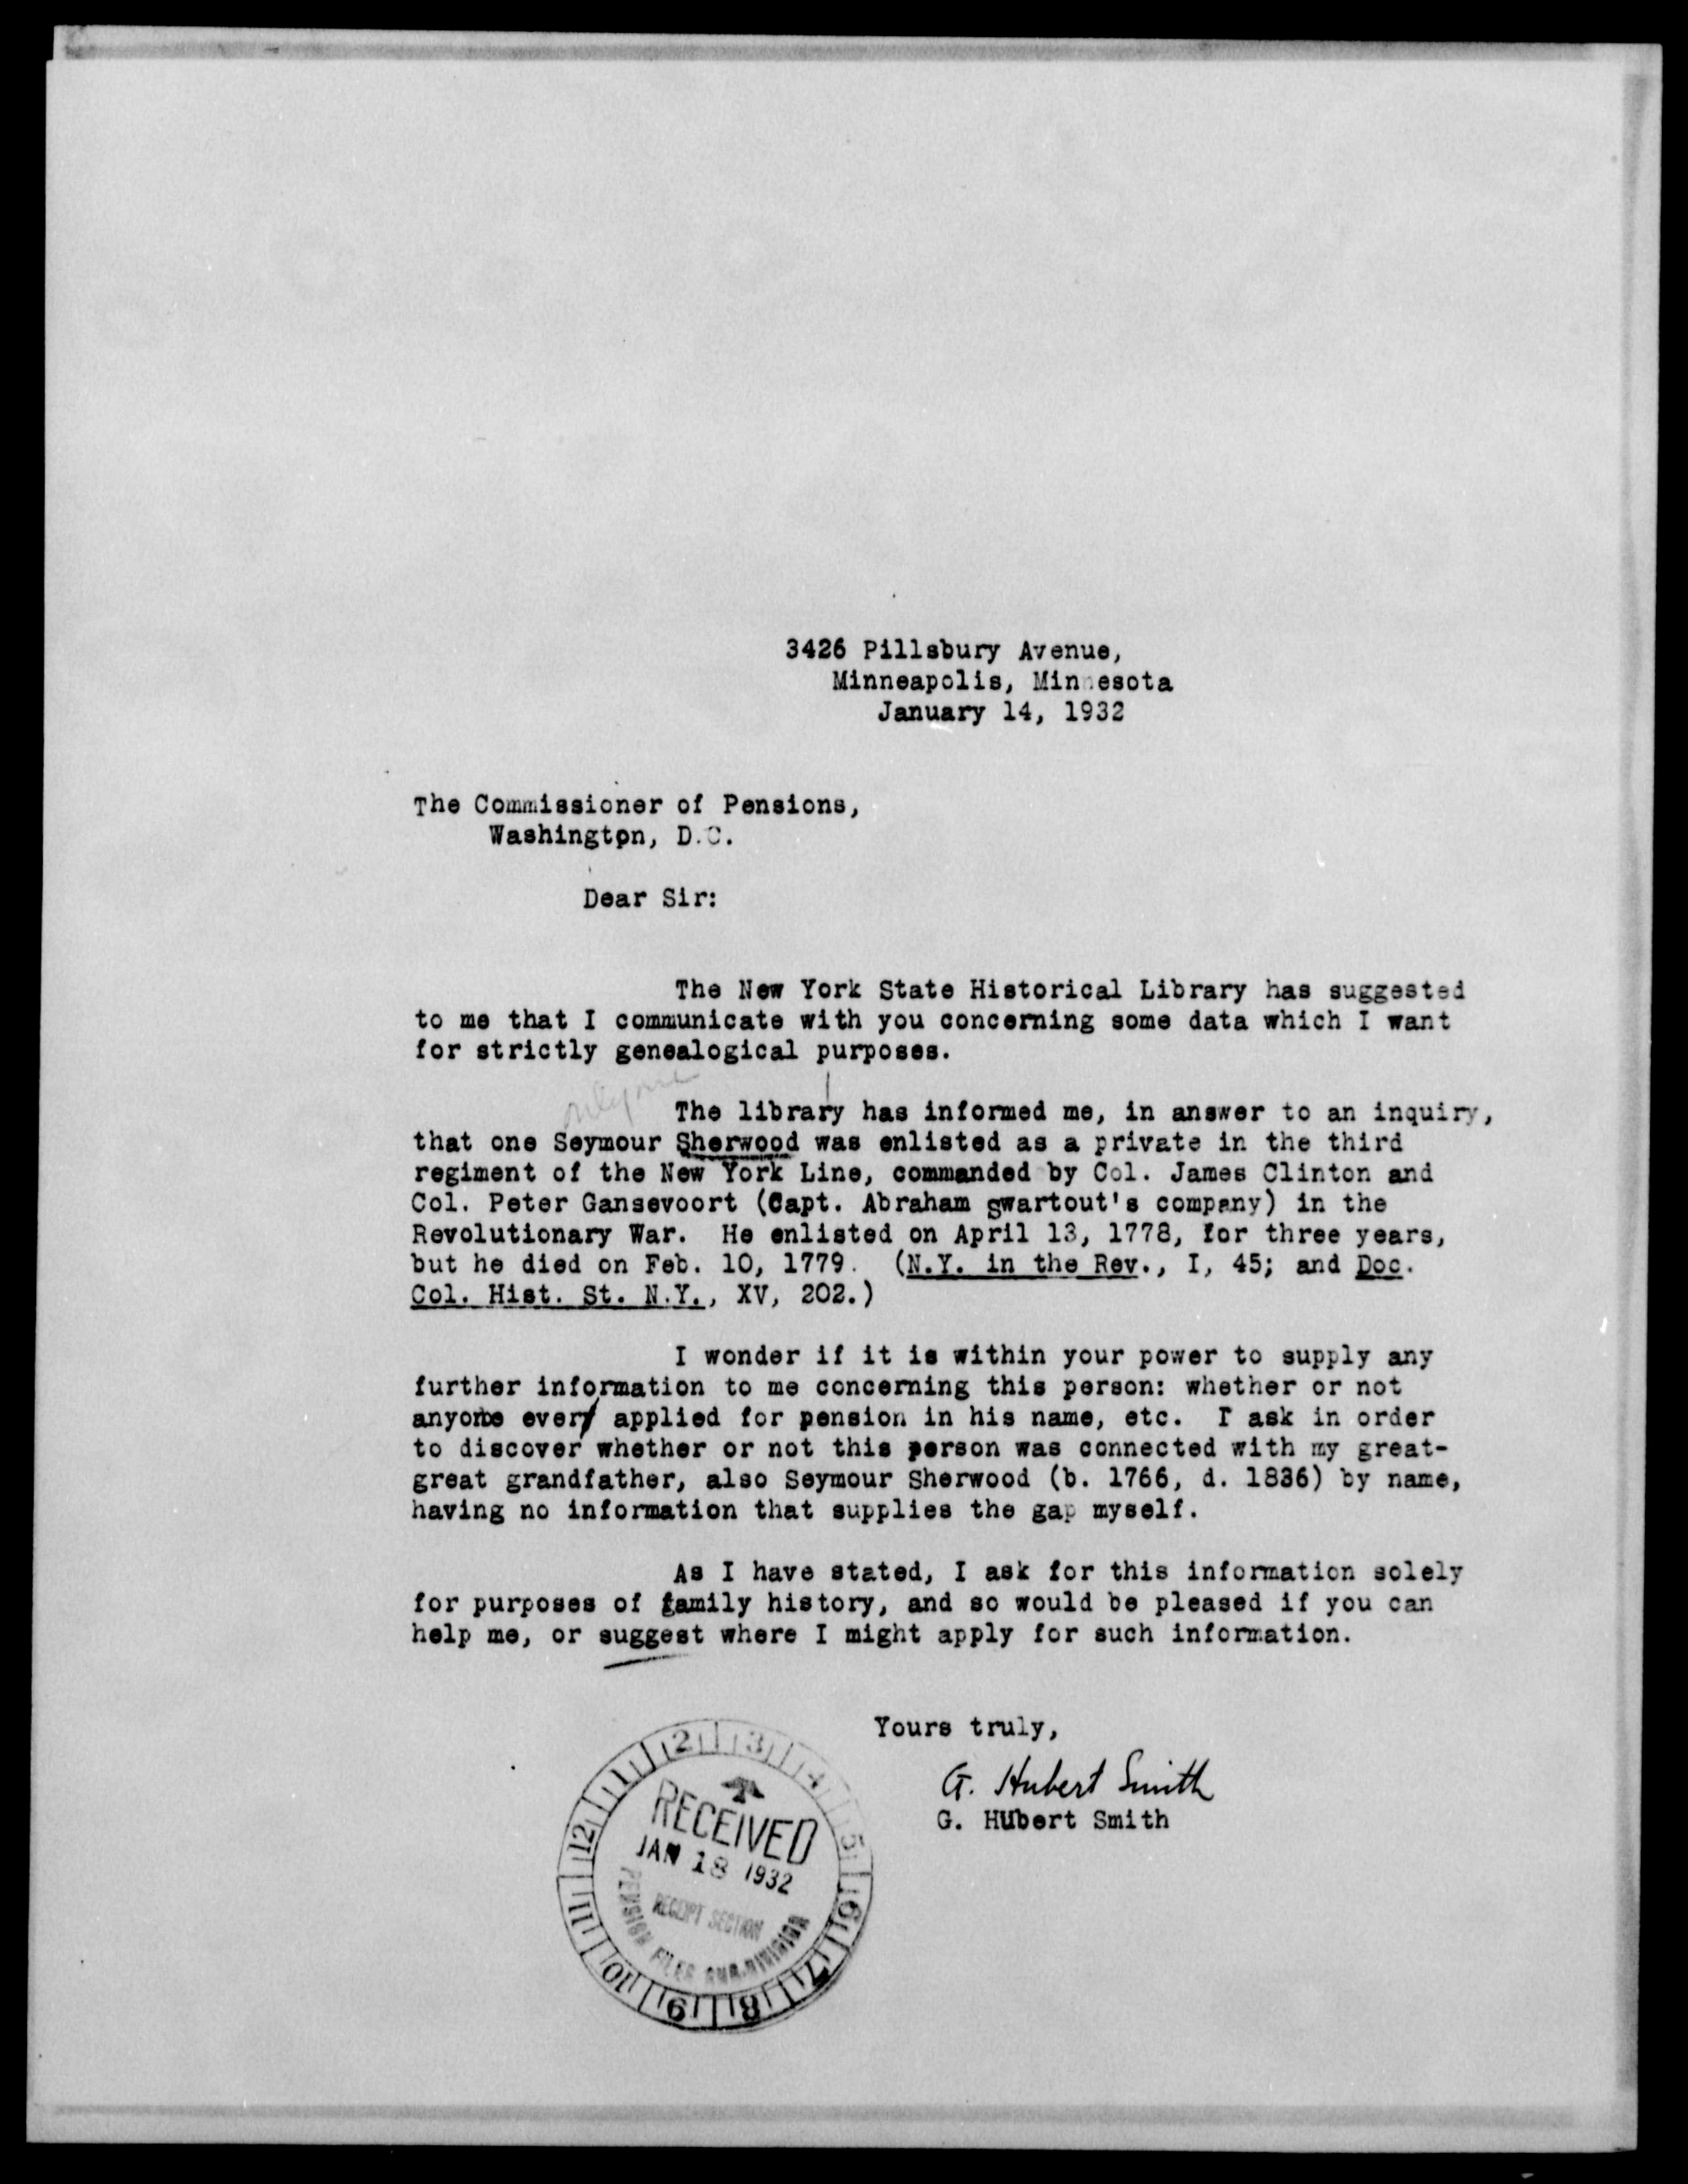3426 Pillsbury Avenue, 
Minneapolis, Minnesota 
January 14, 1932
The Commissioner of Pensions, 
Washington, D. C. 
Dear Sir: 
The New York State Historical Library has suggested to me that I communicate with you concerning some data which I want for strictly genealogical purposes. 
only one
The library has informed me, in answer to an inquiry, that one Seymour Sherwood was enlisted as a private in the third regiment of the New York Line, commanded by Col. James Clinton and Col. Peter Gansevoort (Capt. Abraham Swartout's company) in the Revolutionary War. He enlisted on April 13, 1778, for three years, but he died on Feb. 10, 1779. (N. Y. in the Rev., I, 45; and Doc. Col. Hist. St. N.Y. XV, 202.) 
I wonder if it is within your power to supply any further information to me concerning this person: whether or not anyone ever applied for pension in his name etc. I ask in order to discover whether or not this person was connected with my great great grandfather, also Seymour Sherwood (b. 1766, d. 1836) by name, having no information that supplies the gap myself. 
As I have stated, I ask for this information solely for purposes of family history, and so would be pleased if you can help me, or suggest where I might apply for such information. 
Yours truly, 
G. Hubert Smith 
G. Hubert Smith
[stamp] RECEIVED JAN 18 1932 RECEIPT SECTION PENSION FILES [unreadable]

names: G Hubert Smith; Peter Gansevoort; Seymour Sherwood; James Clinton; G Hubert Smith; Seymoure Sherwood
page: 27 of 30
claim: survivor's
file: S. 42289, for Seymore Sherwood, Connecticut